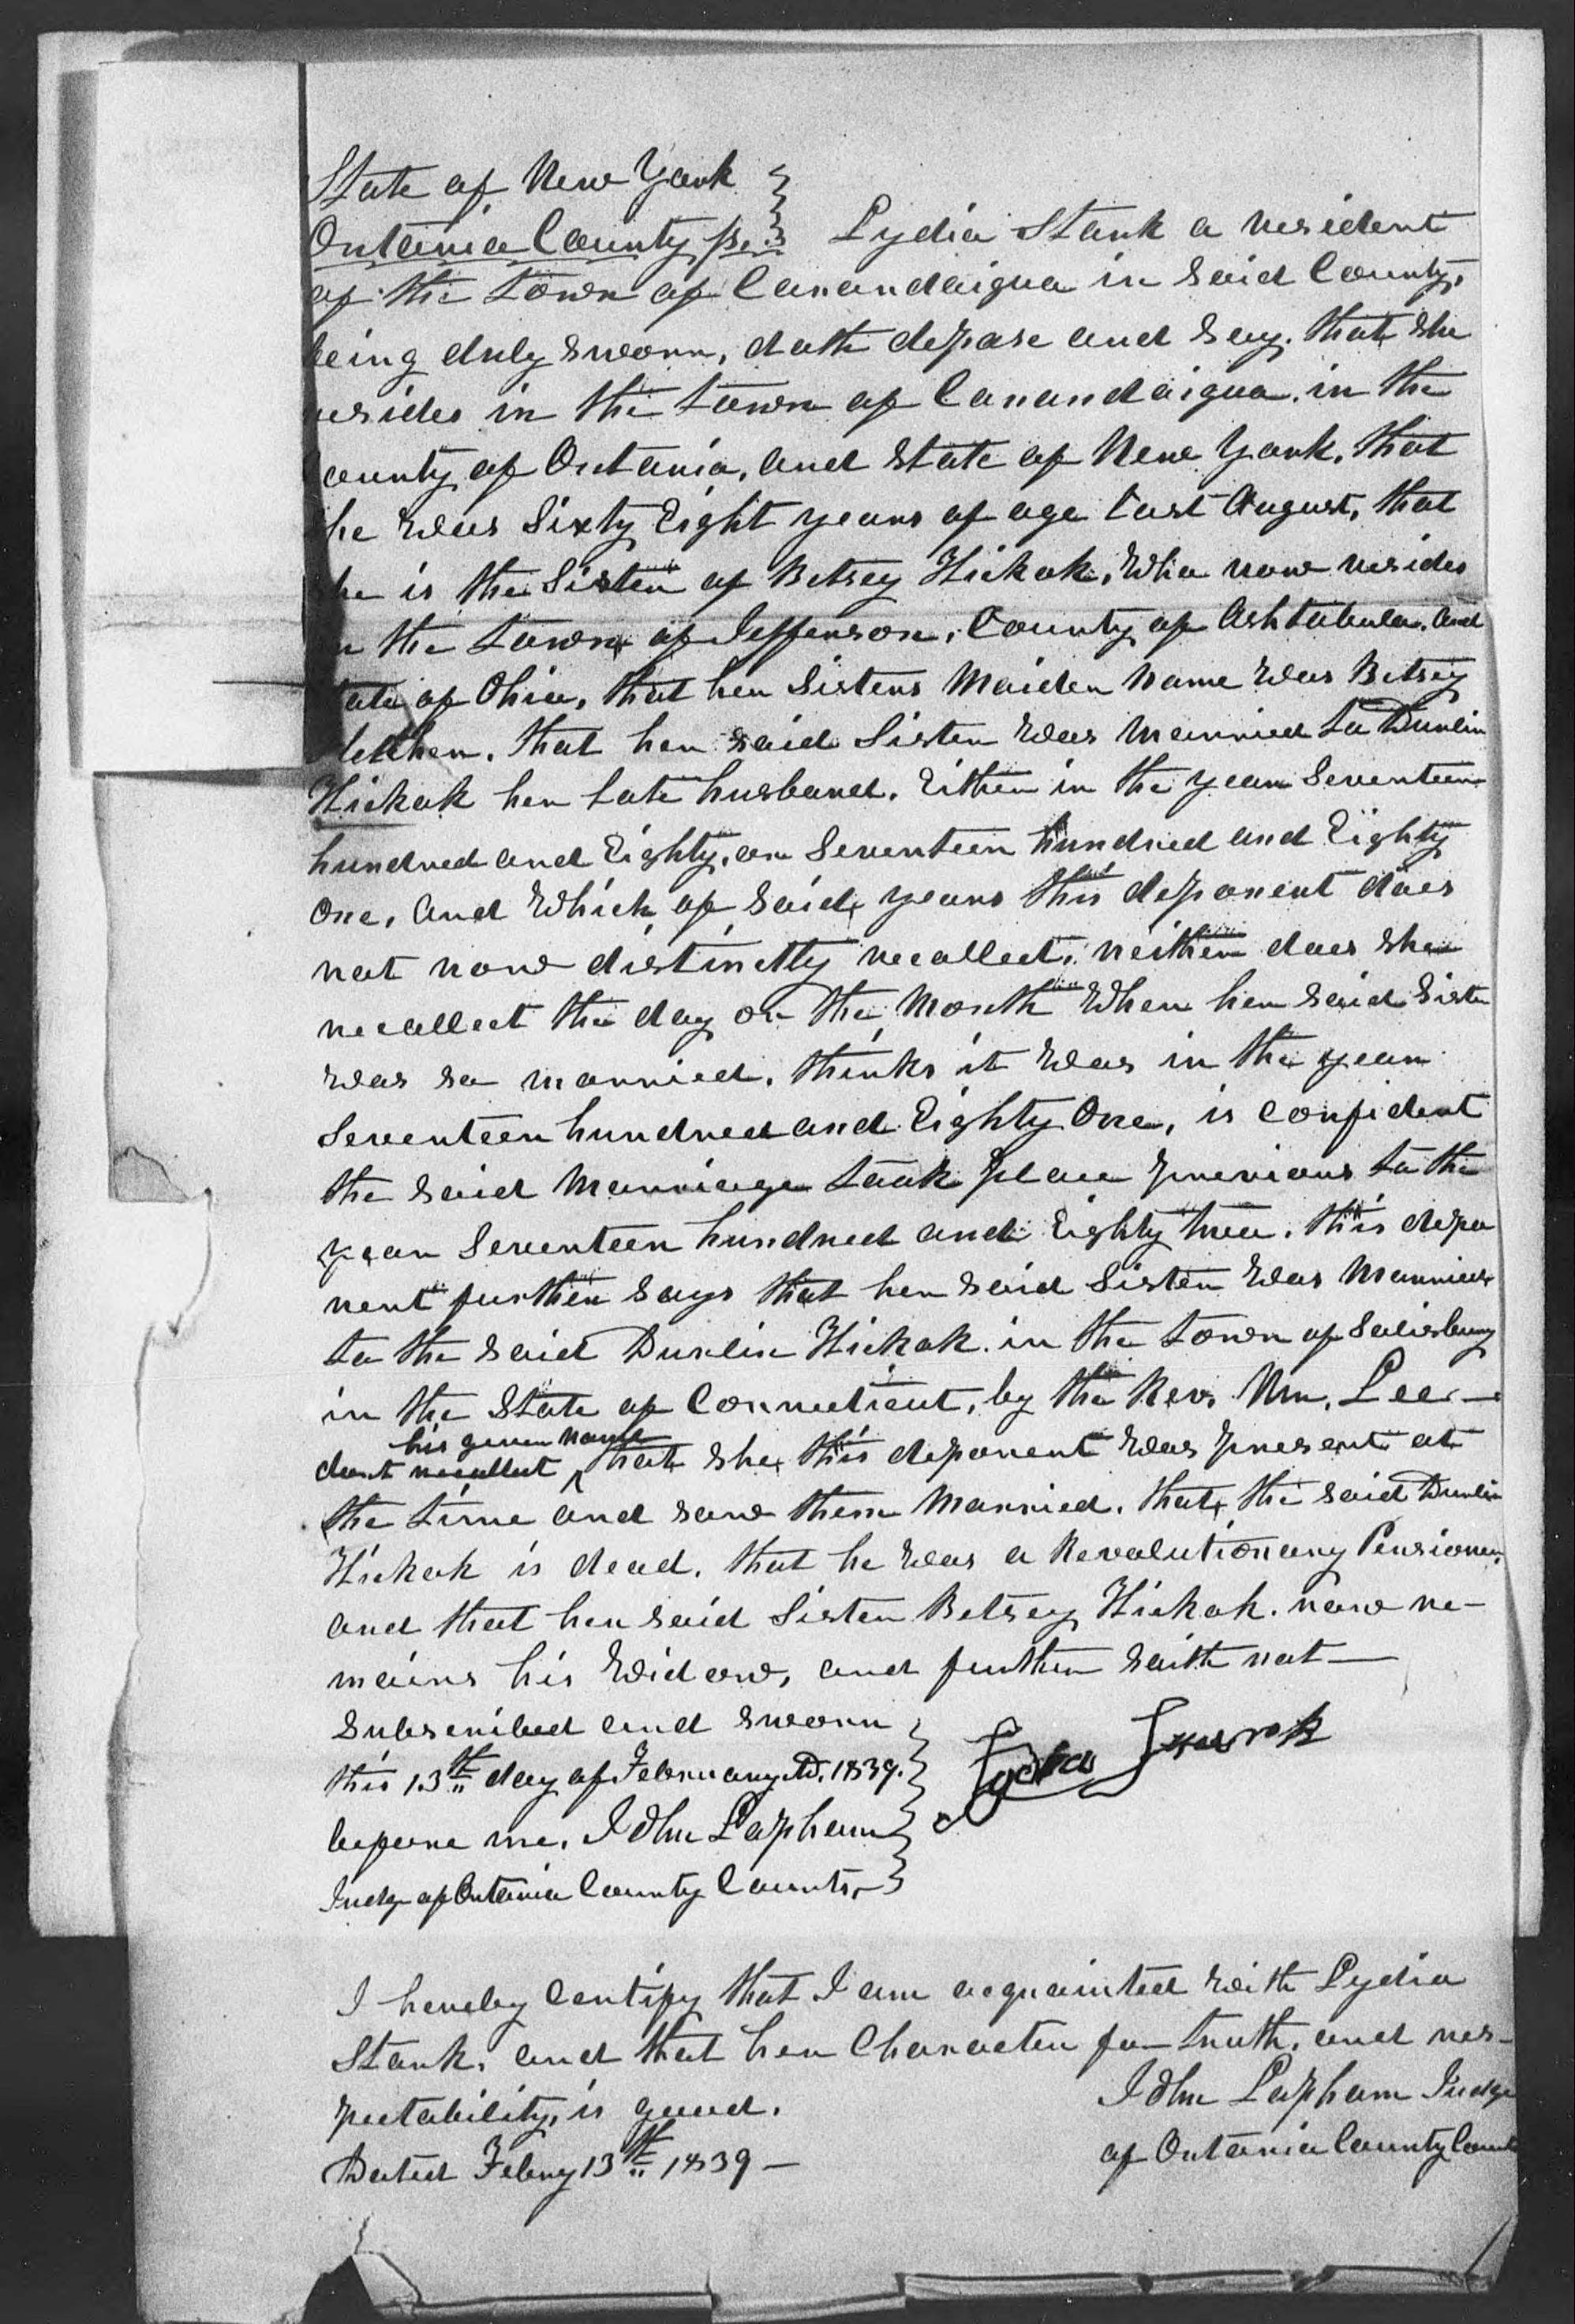State of New York
Ontario County } ss.
Lydia Stank a resident of the town of Canandaigua in said County, being duly sworn, doth depose and say that she resides in the town of Canandaigua, in the county of Ontario, and state of New York, that she was sixty eight years of age last August, that she is the sister of Betsey Hickok, who now resides in the town of Jefferson, County of Ashtabula, and State of Ohio, that her sisters maiden name was Betsey Hesthen . That her said sister was married Lee Durlin Hickok her late husband. Either in the year seventeen hundred and eighty, or seventeen hundred and and eighty one. And which of said years this deponent does not now distinctly recollect, neither does she recollect the day or the month when her said sister was so married, thinks it was in the year seventeen hundred and eighty one, is confident the said marriage took place previous to the year seventeen hundred and eighty three. This deponent further says that her said sister was married to the said Durlin Hickok in the Town of Salisbury in the State of Connecticut, by the Rev. Wm Lee - doesn't recollect his given name that she this deponent was present at the time and saw them married. That the said Durlin Hickok is dead, that he was a Revolutionary Pensioner, and that her said sister Betsey Hickok now remains his widow, and further saith not -
Subscribed and sworn this 13th day of February AD, 1839. before me, John Lapham Judge of Ontario County Courts

I hereby certify that I am acquainted with Lydia Stank, and that her character for truth, and respectability is good.

Dated February 12, 1839

John Lapham Judge of Ontario County Courts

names: Lydia Stank, Betsey, John Lapham, Durlin Hickok, Betsey Hickok, Lydia Stank, Lee, Lydia Stank, John Lapham, La Durlin Hickok, Betsey Hickok, Durlin Hickok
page: 28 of 45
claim: widow's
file: W. 4988, Durlin Hickok, Mass.